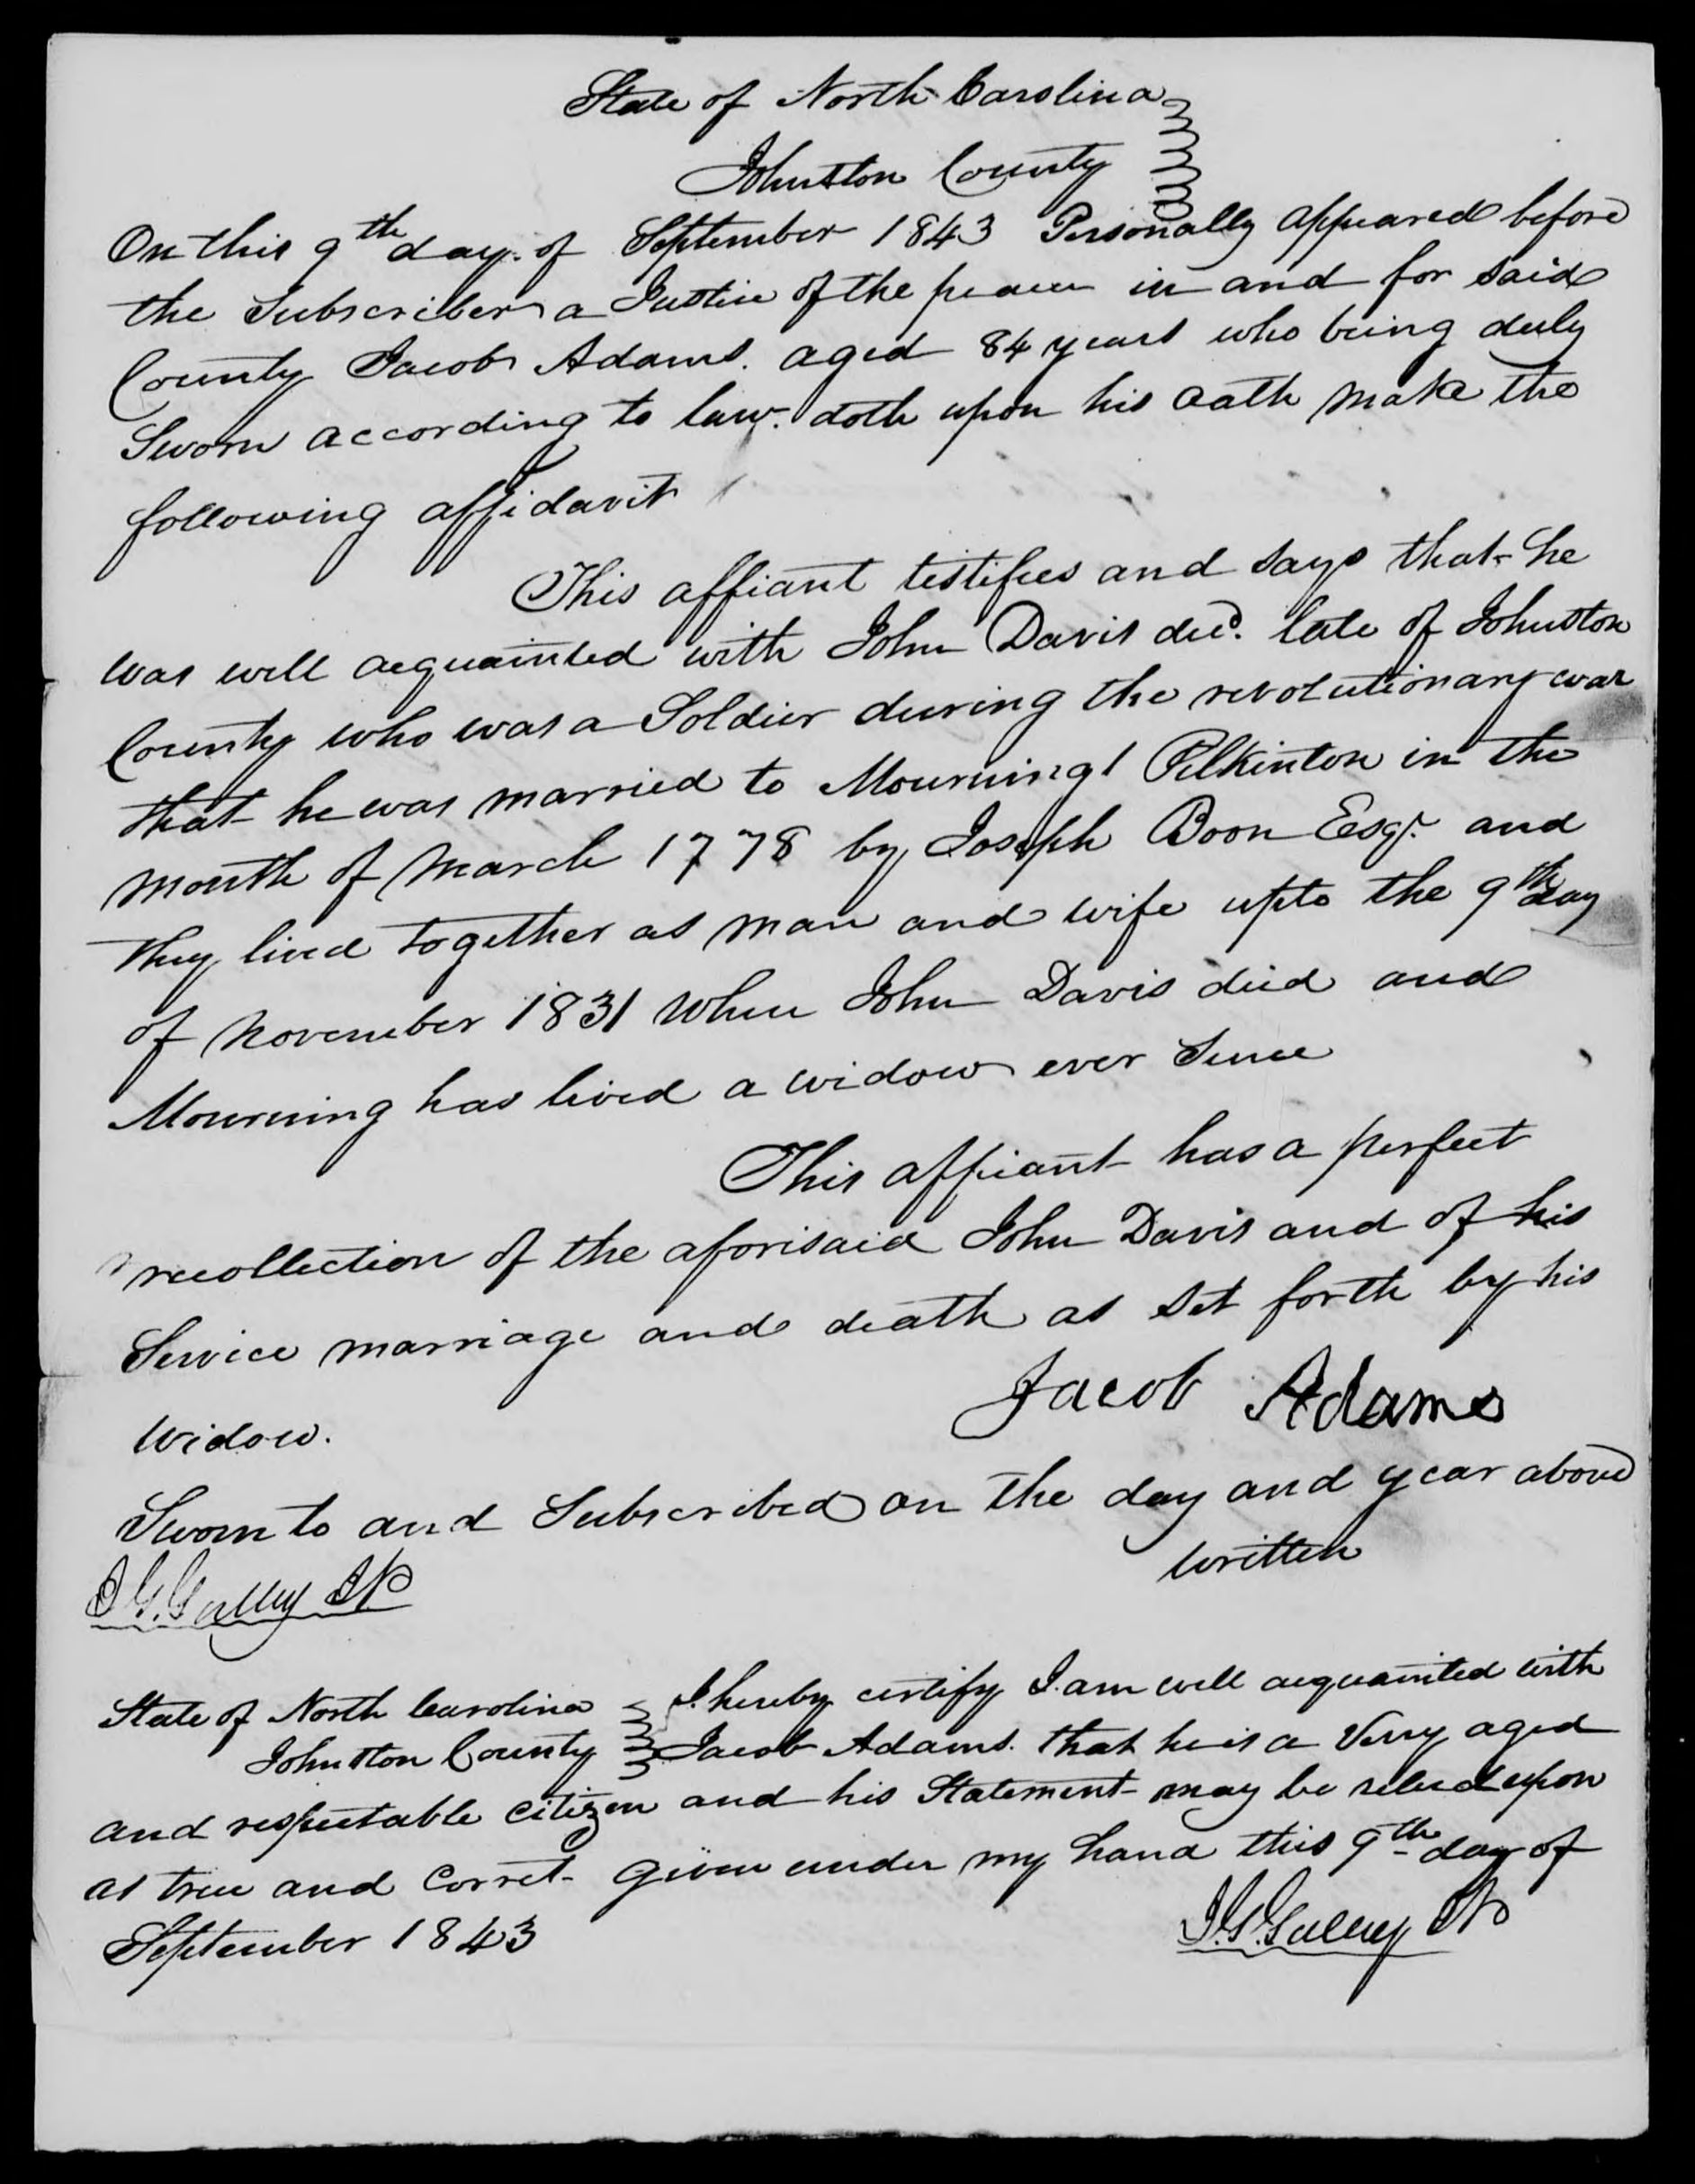State of North Carolina
Johnston County

On this 9th day of September 1843 Personally appeared before
the Subscriber a Justice of the Peace in and for said
County Jacob Adams aged 84 years who being duly
Sworn according to law doth upon his oath make the
following affidavit
          This affiant testifies and says that he
was well acquainted with John Davis dec'd late of Johnston
County who was a Soldier during the revolutionary war
that he was married to Mourning Pilkinton in the
month of March 1778 by Joseph Boon Esqr. and
they lived together as man and wife up to the 9th day 
of November 1831 when John Davis died and
Mourning has lived a widow ever since.
          This affiant has a perfect
recollection of the aforesaid John Davis and of his
service marriage and death as set forth by his
widow.

Jacob Adams

Sworn to and subscribed on the day and year above written.

J.G. Gully J.P.

State of North Carolina
Johnston County

I hereby certify I am well acquainted with 
Jacob Adams that he is a Very aged
and respectable citizen and his statement may be relied upon
as true and correct. Given under my hand this 9th day of 
September 1843.

J.G. Gully  J.P.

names: John Davis, J G Gulley, Jacob Adams, Jacob Adams, J G Gulley, Mourning Pilkinton, Mourning, John Davis, John Davis, Joseph Boon, Jacob Adams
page: 4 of 29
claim: widow's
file: W. 19156, John Davis, N.C.